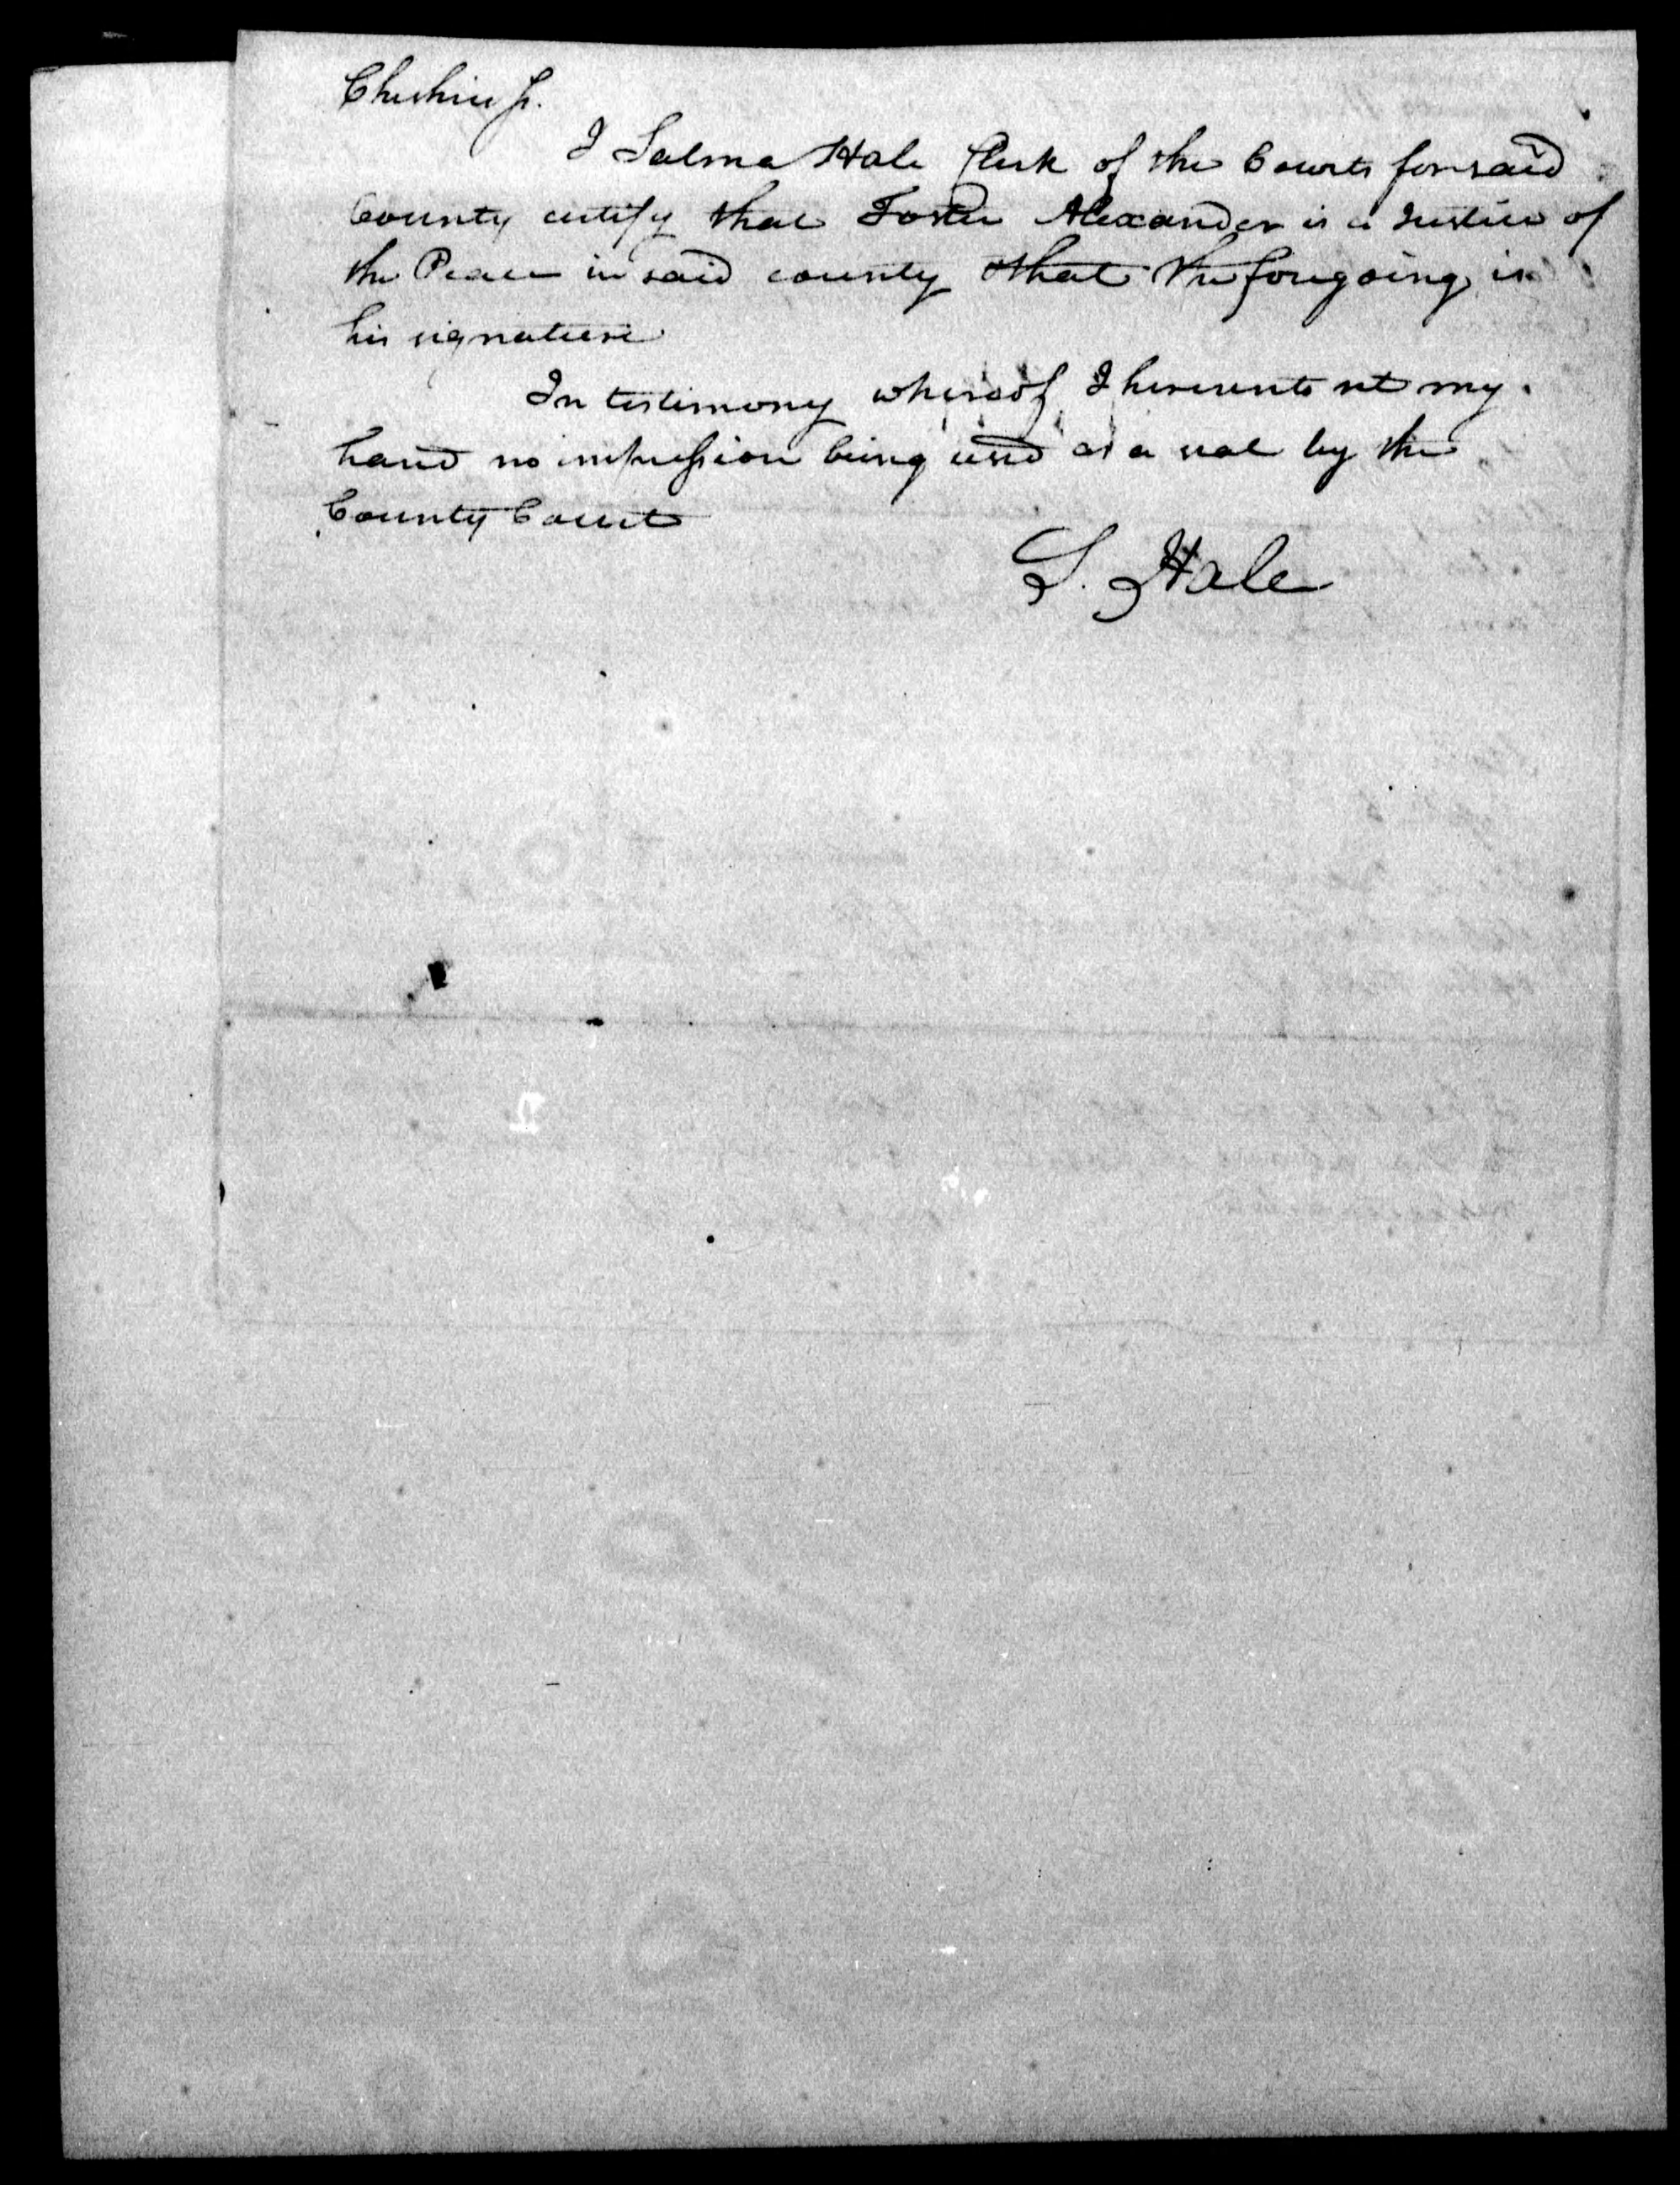Cheshire
I Salma Hale Clerk of the Courts foresaid
County certify that John Alexander is a Justice of
the Peace in said county that the foregoing in
his signature
In testimony whereof I hereunto at my
hand no impression being and as a not by the
County Court
[signature] S. Hale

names: Foster Alexander; S Hale; Salma Hale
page: 12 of 19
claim: survivor's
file: S 41975, for Hinds Reed, New Hampshire